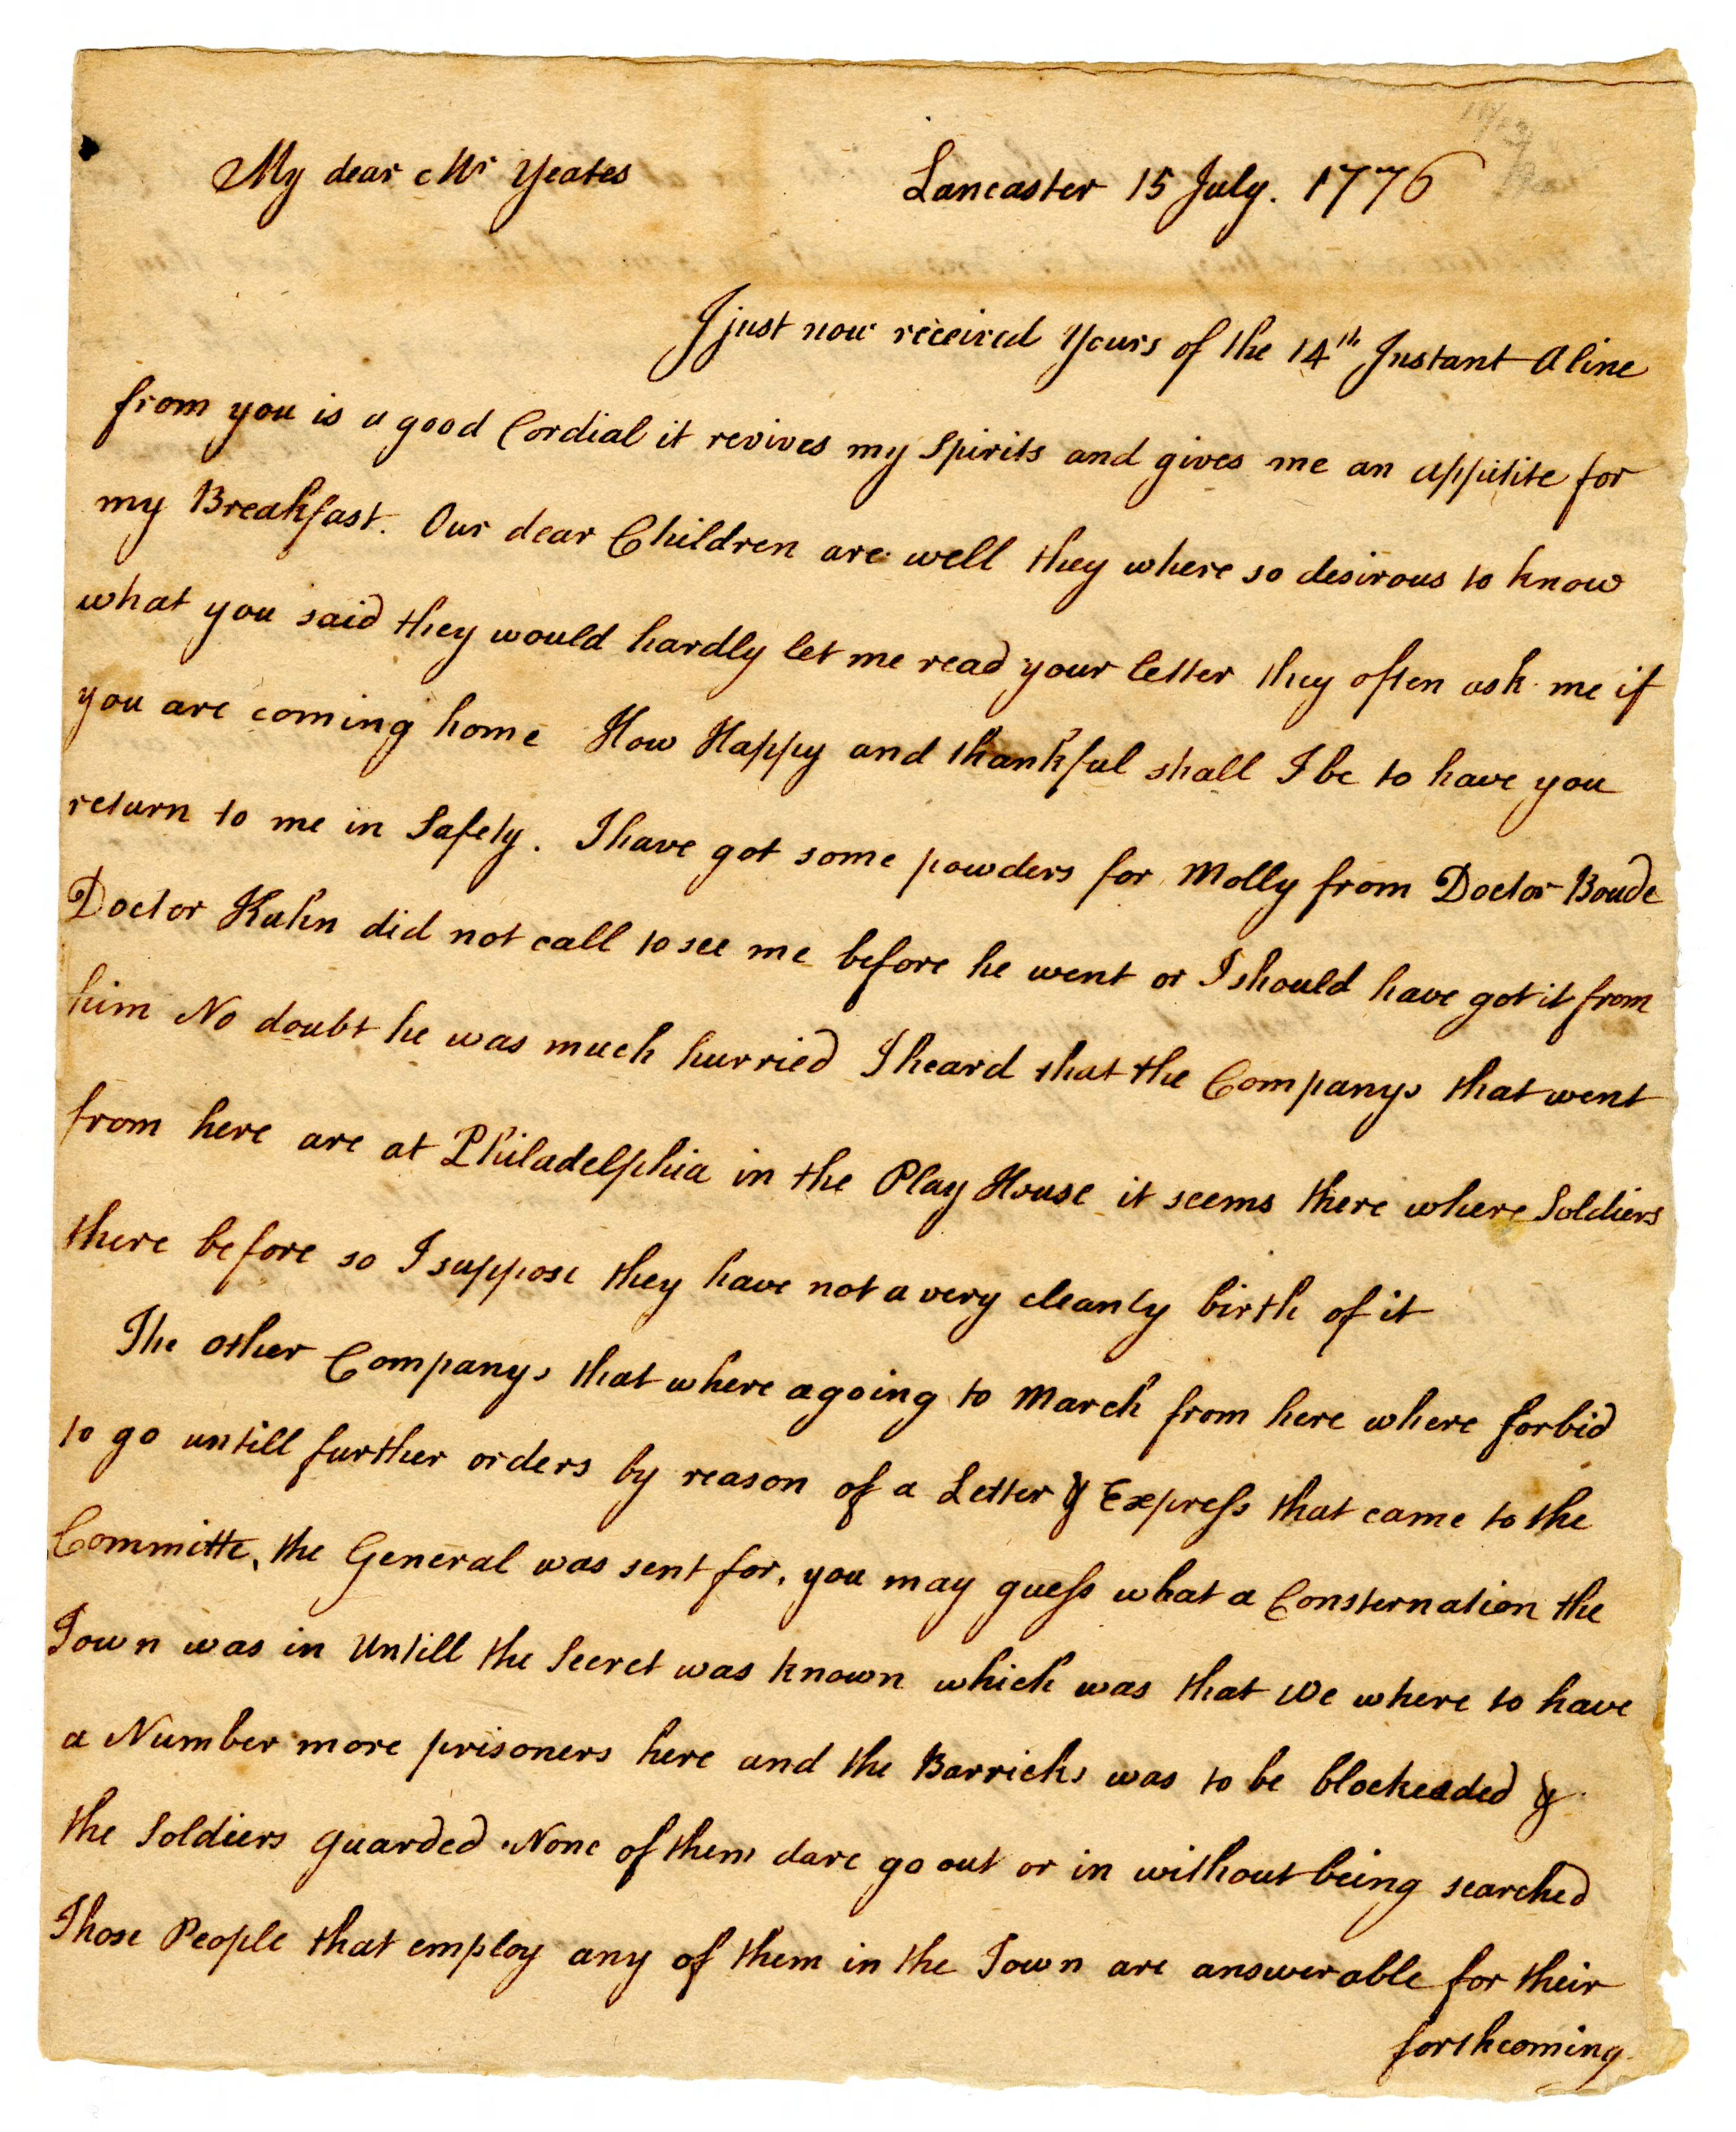Lancaster 15 July. 1776
My dear M^r Yeates
I just now received yours of the 14^th Instant A line
from you is a good Cordial it revives my Spirits and gives me an appitite for
my Breakfast. Our dear Children are well they where so desirous to know
what you said they would hardly let me read your letter they often ask me if
you are coming home How Happy and thankful shall I be to have you
return to me in Safety. I have got some powders for Molly from Doctor Boude
Doctor Kahn did not call to see me before he went or I should have got it from
him No doubt he was much hurried I heard that the Companys that went
from here are at Philadelphia in the Play House it seems there where Soldiers
there before so I suppose they have not a very cleanly birth of it
The other Companys that where agoing to March from here where forbid
to go untill further orders by reason of a Letter & Express that came to the
Committee, the General was sent for you may guess what a Consternation the
Town was in untill the Secret was known which was that we where to have
a Number more prisoners here and the Barricks was to be blockeaded &
the Soldiers guarded None of them dare go out or in without being searched
Those People that employ any of them in the Town are answerable for their
forthcoming